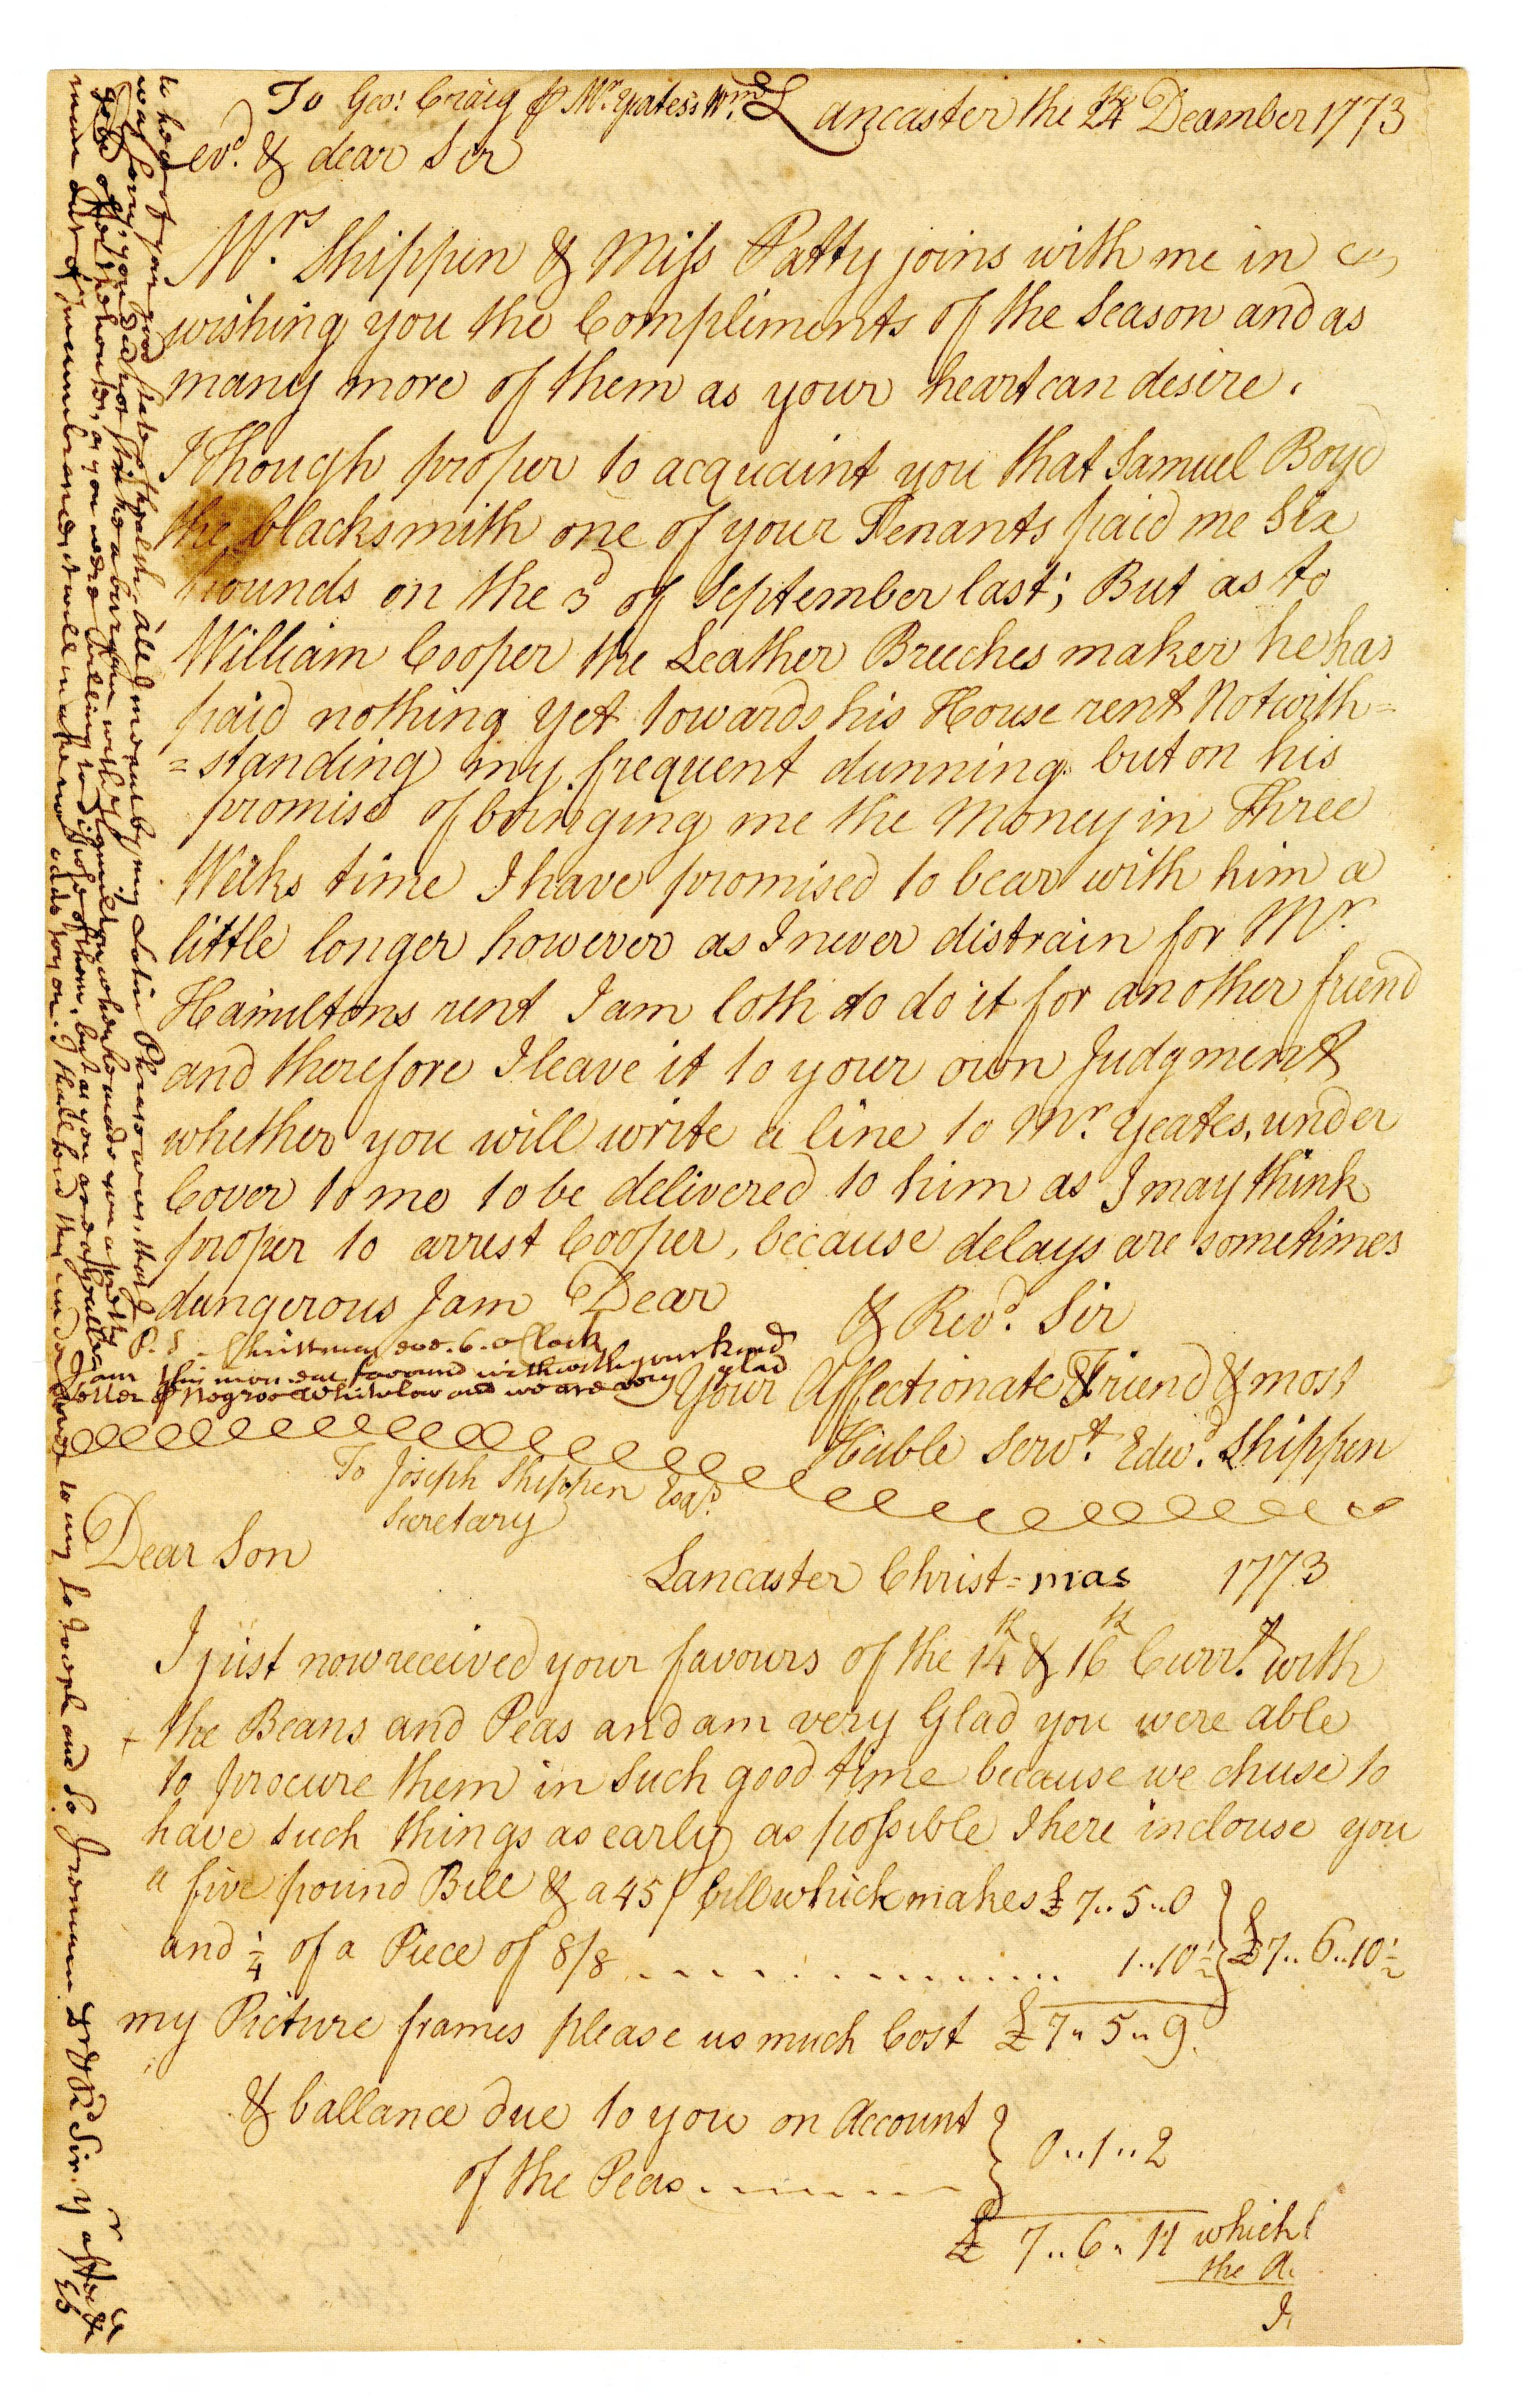To Geo: Craig per M^r. Yeates's W^m. Lancaster the 24^th December 1773
es^d. & dear Sir
M^rs. Shippen & Miss Patty joins with me in
wishing you the Compliments of the Season and as
many more of them as your heart can desire.
I Though proper to acquaint you that Samuel Boyd
the blacksmith one of your Tenants paid me six
pounds on the 3^d of September last; But as to
William Cooper the Leather Bruches maker he has
paid nothing yet towards his House rent Notwith-
-standing my frequent dunning but on his
promise of bringing me the Money in Three
Weeks time I have promised to bear with him a
little longer however as I never distrain for M^r.
Hamiltons rent I am loth to do it for another friend
and therefore I leave it to your own Judgment &
whether you will write a line to M^r. Yeates, under
Cover to me to be delivered to him as I may think
proper to arrest Cooper, because delays are sometimes
dangerous I am Dear
I am Dear
& Rev^d. Sir
Your Affectionate Friend & most
Humble Serv^t. Edw^d. Shippen
P.S- Christmas. eve .6. oClock
I am this {______} forward with with your kind
Letter per Negro Whitelow and we are very
to hear of your good State of health. All I meant by my Latin Phrase was, that I
was sorry, you did not strike a bargain with Hamilton when he made you a pretty
go be after the house, as you were willling to dispose of them, but as you are a Gentle-
man out of Incumbrance it will make no odds say on. I shall send them under cover to my So Joesph and So Iremam D^r & R^d Sir y^r affec^t &
ES
To Joseph Shippen Esq^r.
Secretary
Lancaster Christ-mas 1773
Dear Son
I just now received your favours of the 14^th & 16^th Curr.^t with
+ the Beans and Peas and am very Glad you were able
to procure them in such good time because we chuse to
have such things as early as possible I here inclouse you
a five pound Bill & a 45 / bill which makes £7..5..0
and 1/4 of a Piece of 8/8..............1.10 1/2 } £7..6..10 1/2
my Picture frames please us much Cost £77..5..9.
& ballance due to you on Account
of the Peas
0..1..2
£ 7.. 6.. 11 which
the A
I,